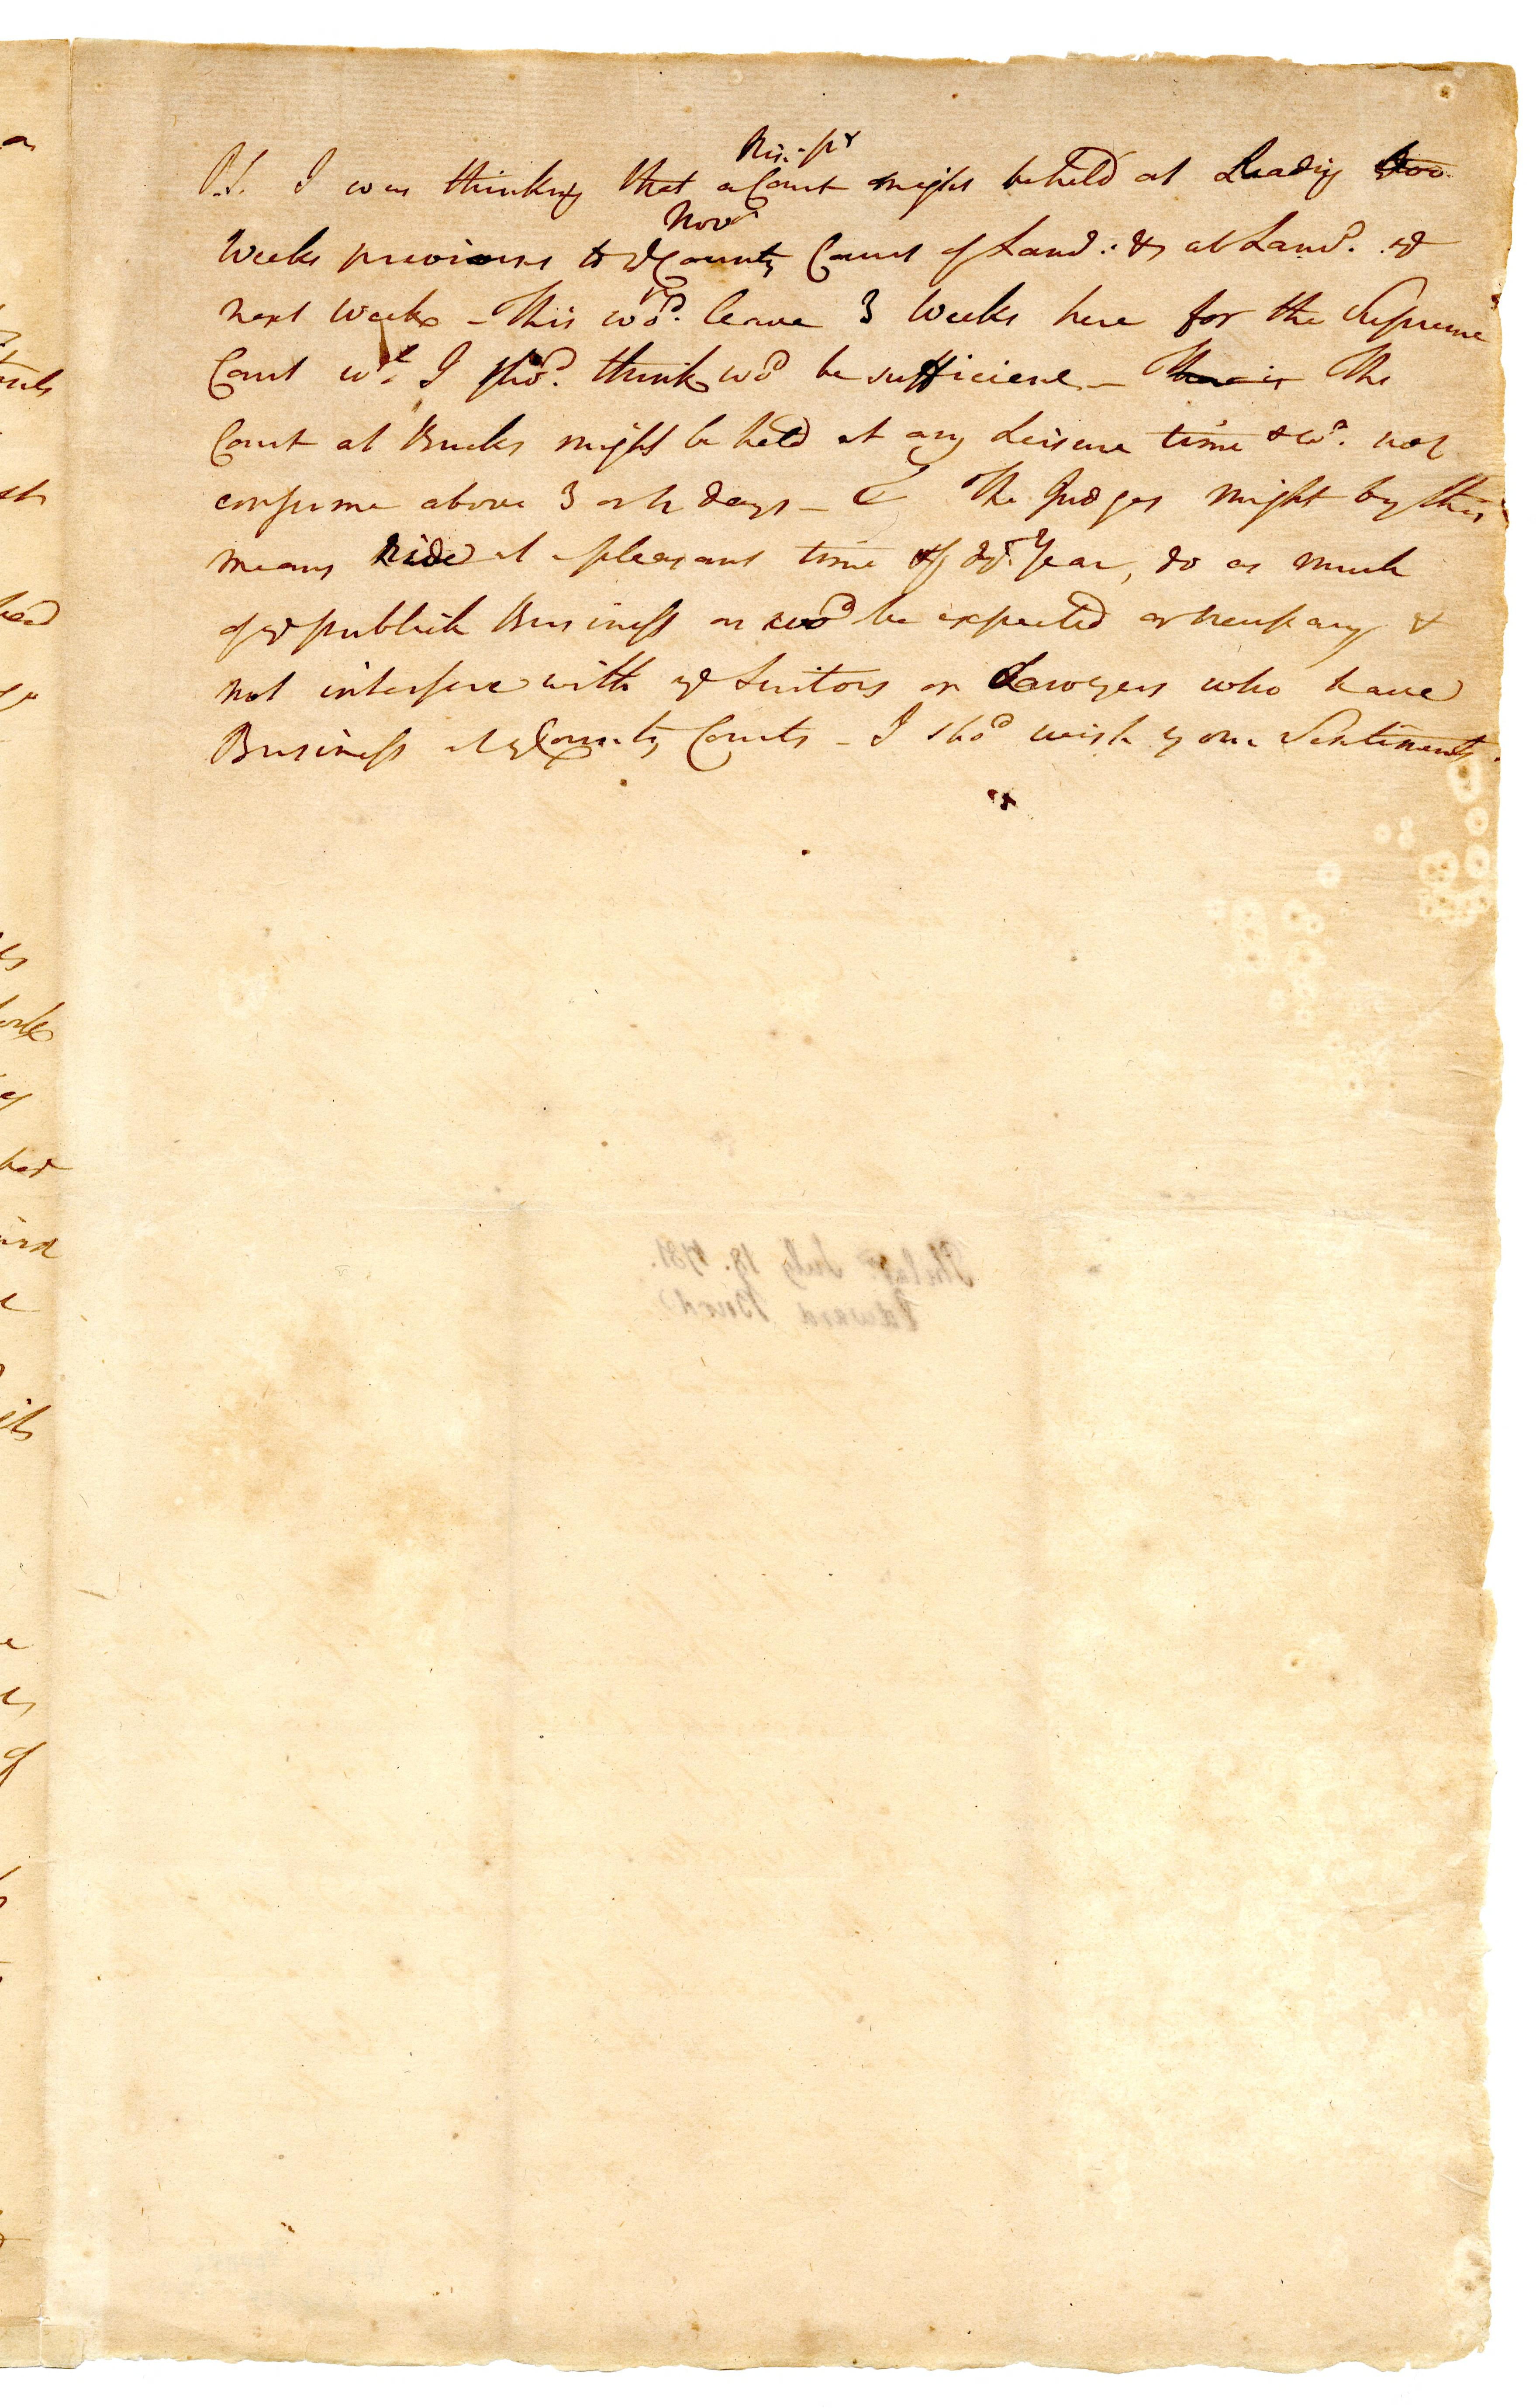his. py
PS. I was thinking that a ^ Count might be held at leading 600
Nov
Weeks provisions to y^e County Court of Land. & at Law^. y^e
next weeks. This wo^d serve 3 Weeks here for the Supreme
Court w^h I sho^d. think w^d be sufficient There is The
Court at Bucks might be held at any Leisure time & w^h not
confirm above 3 or 4 days. The Judges might by their
Means Ride it-pleasant time of y^e Year, so as much
of y^e publick Business as rec^d be expected as necessary &
not interfere with y^e Suitors of Lawyers who have
Business at y^e County Courts. I sho^d wish your Sentiments